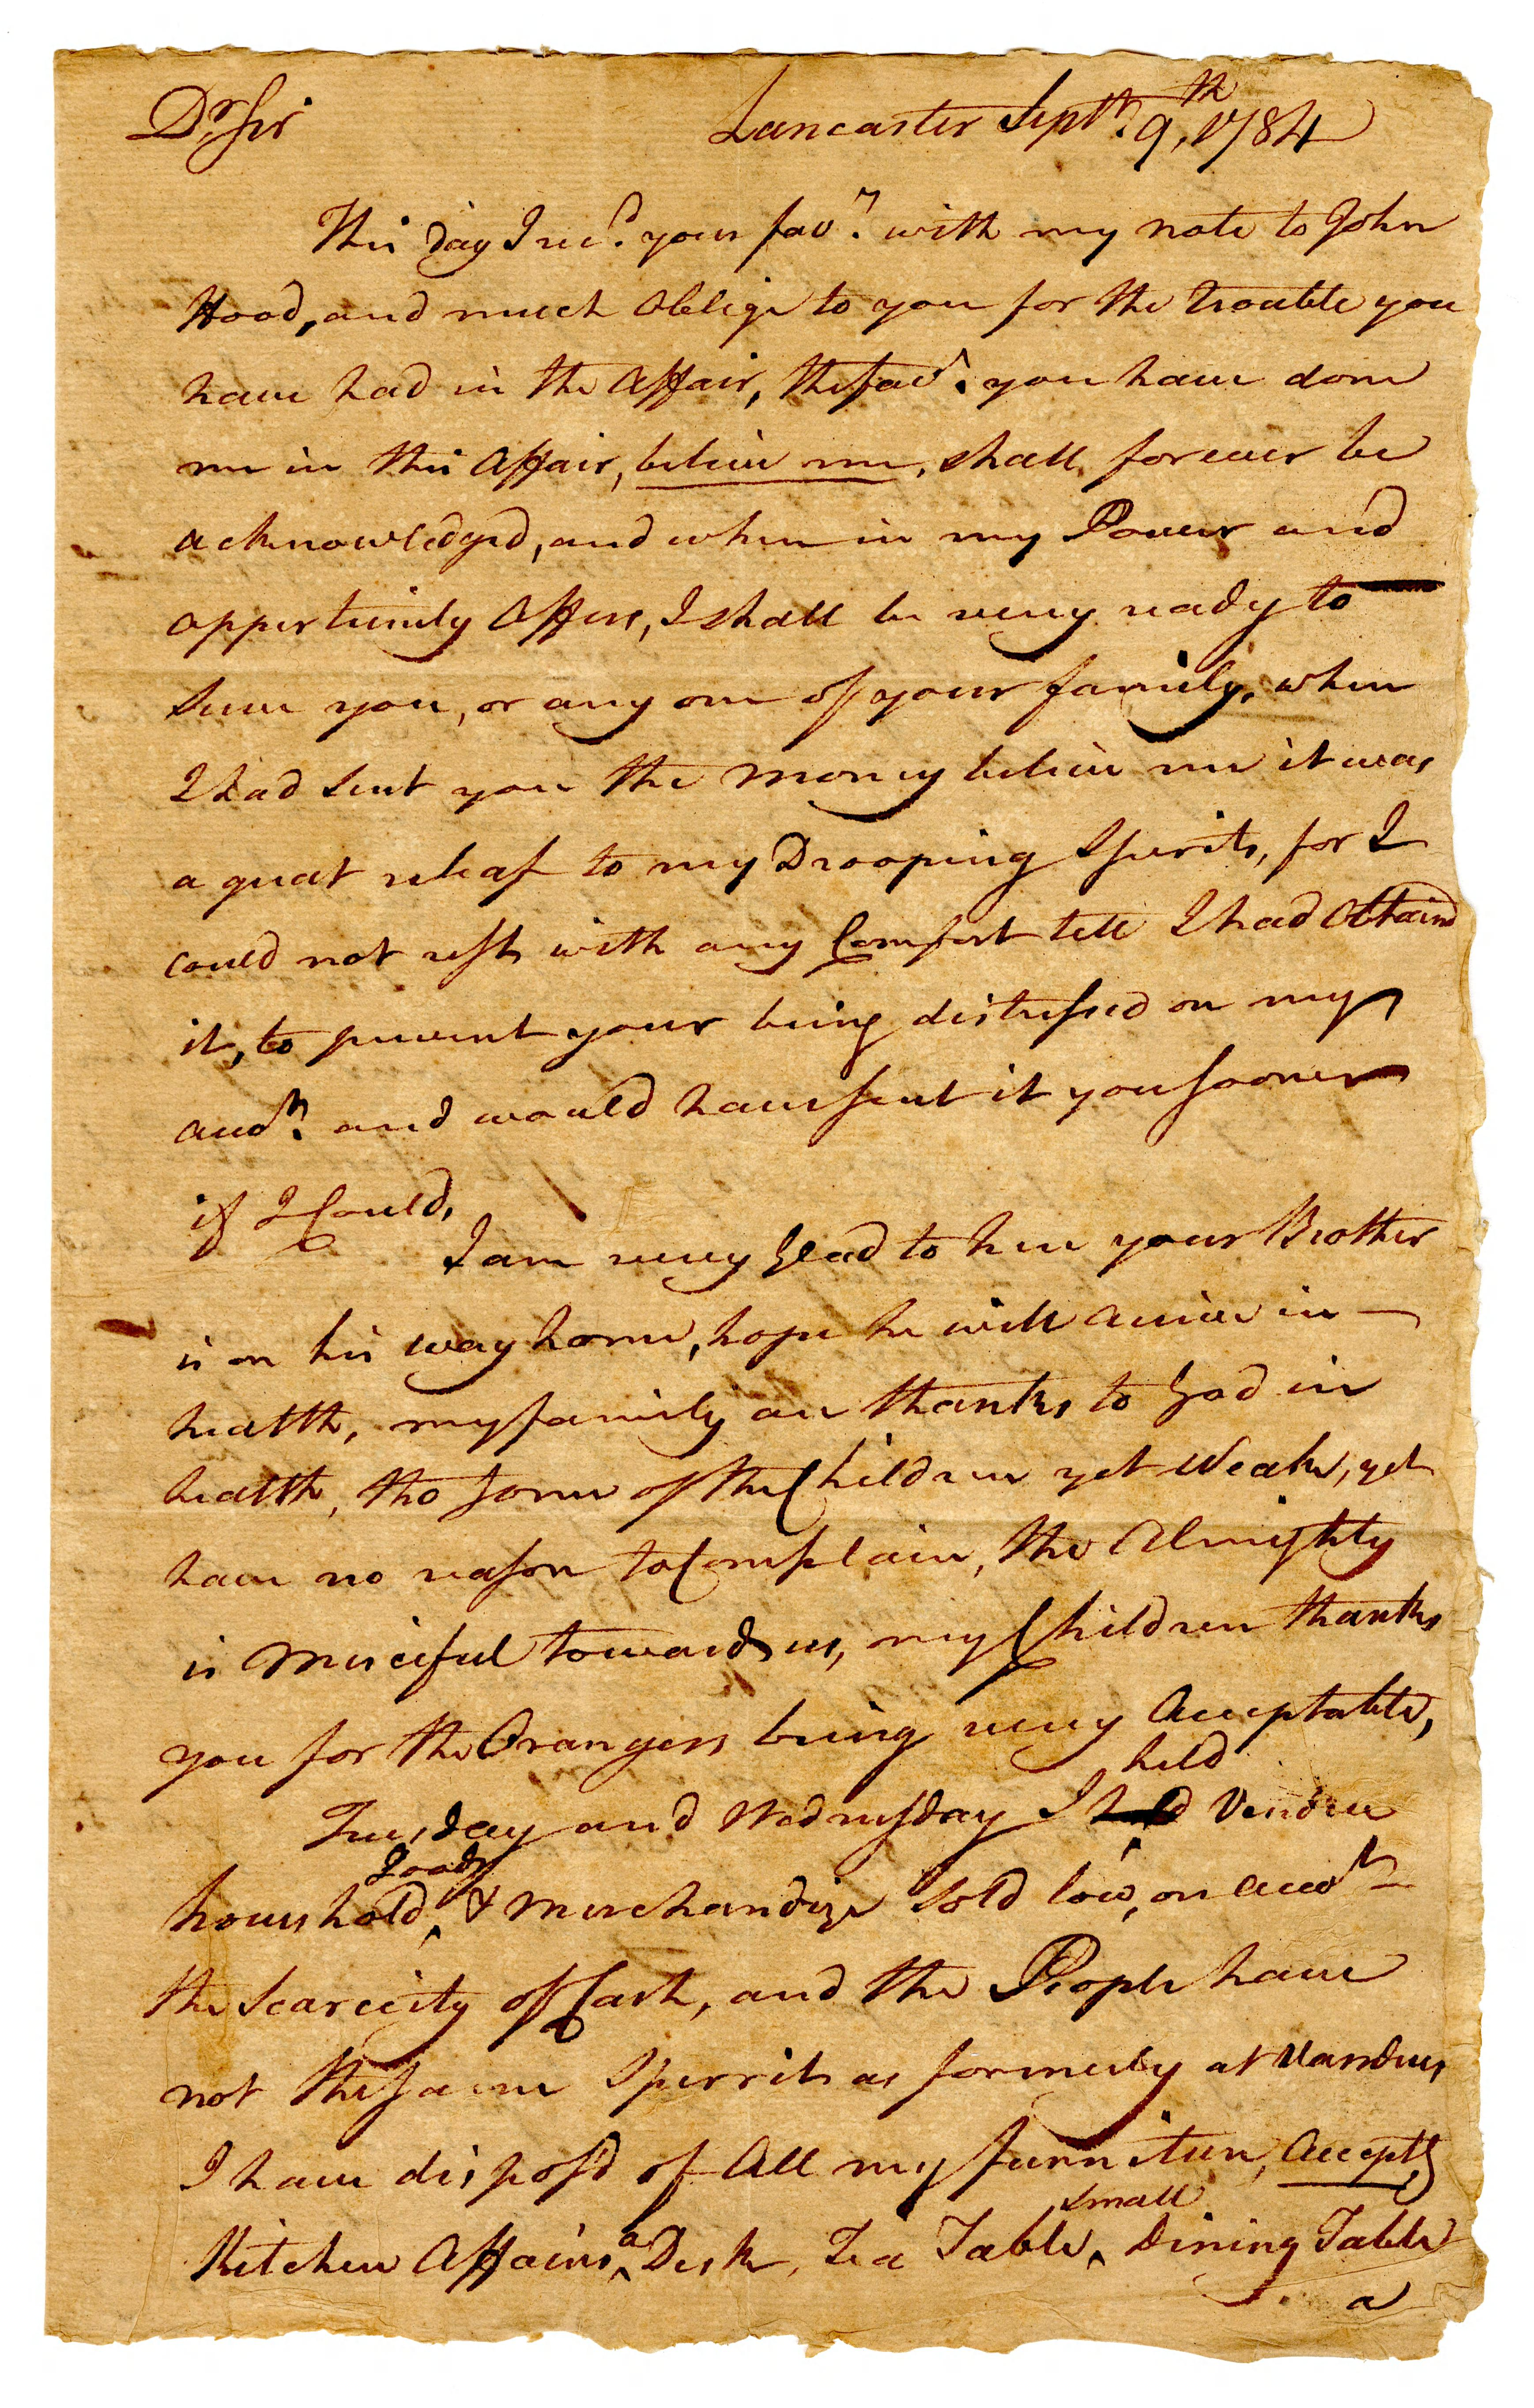Lancaster Sept^r. 9^th 1784
D^r. sir
This day I rec^d. your fav^r. with my note to John
Hood, and much Oblige to you for the trouble you
have had in the Affair, the fav^r you have done
me in this Affair, believe me, shall forever be
acknowledged, and when in my Power and
opportunity offers, I shall be very ready to
serve you, or any one of your family, when
I had Sent you the money believe me it was
a great relief to my drooping spirits, for I
could not rest with any Comfort till I had Obtaind
it to prevent your being distressed on my
acco^t. and would have sent it you sooner
if I could
I am very glad to here your brother
is on his way home, hope he will Arrive in-
health, my family are thanks to God in
health, tho some of the Children yet Weak, yet
have no reason to Complain, the Almighty
is merciful towards us, my Children thanks
you for the Oranges being very Acceptable,
held
Tuesday and wednesday I [____] ^ Vendue
goods
household ^ & merchandize sold low, on acco^t
the Scarcity of Cash, and the People have
not the same Sperrits as formerly as Vandues
I have disposd of All my furniture, Acceptg
small
kitchen Apliances ^a Desk, Tea table, dining Table
a